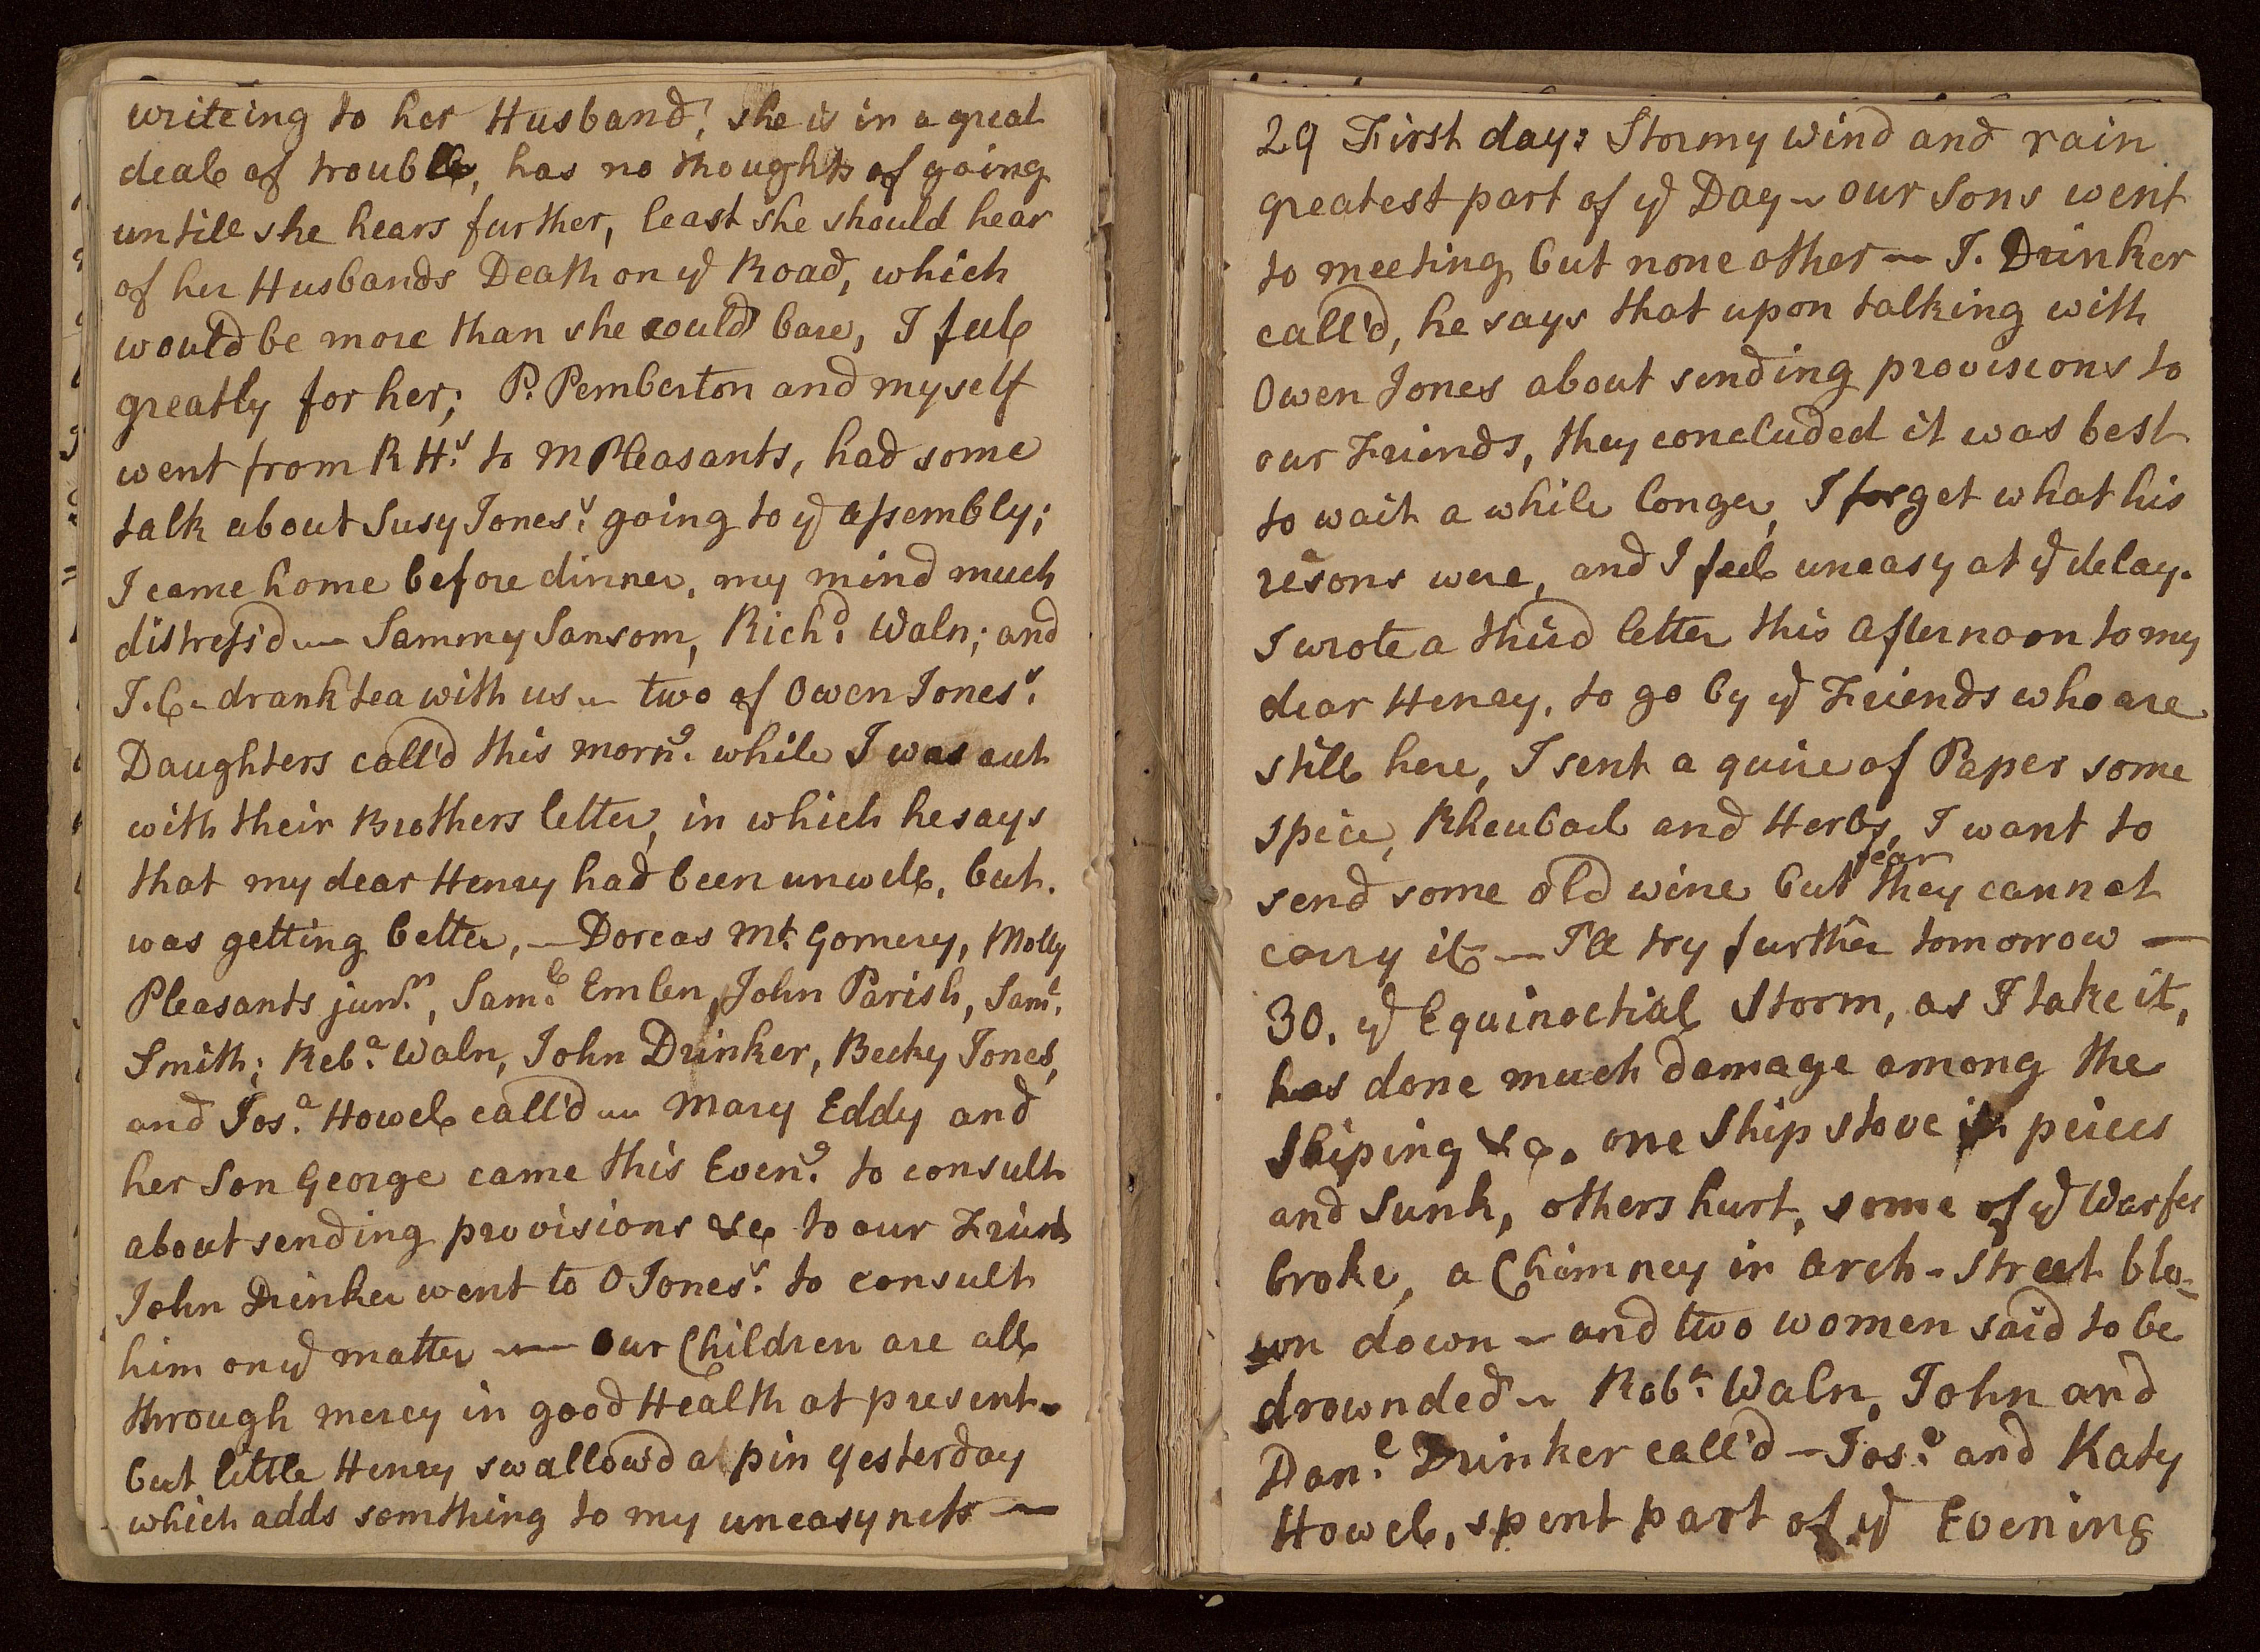writeing to her Husband, she is in a great
deal of trouble, has no thoughts of going
untill she hears further, least she should hear
of her Husbands Death on y^e Road, which
would be more than she could bare, I feel
greatly for her; P. Pemberton and myself
went from RH^s. to M Pleasants, had some
talk about Susy Jones^s. going to y^e assembly;
I came home before dinner, my mind much
distress'd- Sammy Sansom, Rich^d. Waln; and
J.C- drank tea with us- two of Owen Jones^s.
Daughters call'd this morn^g. while I was out
with their Brothers letter, in which he says
that my dear Henry had been unwell, but.
was getting better,- Dorcas M^t. Gomery, Molly
Pleasants jun^r., Sam^l. Emlen, John Parish, Sam^l.
Smith; Reb^a. Waln, John Drinker, Becky Jones,
and Jos^a. Howel call'd us Mary Eddy and
her son George came this Even^g. to consult
about sending provisions &c to our Friend
John Drinker went to O Jones^s. to consult
him on y^e matter- Our Children are all
through mercy in good Health at present.
but little Henry swallow'd a pin yesterday
which adds somthing to my uneasyness-
29 First day: Stormy wind and rain
greatest part of y^e Day- our Sons went
to meeting but none other- T. Drinker
call'd, he says that upon talking with
Owen Jones about sending provisions to
our Friends, they concluded it was best
to wait a while longer, I forget what his
resons were, and I feel uneasy at y^e delay.
I wrote a third letter this afternoon to my
dear Henry, to go by y^e Friends who are
still here, I sent a quire of Paper some
spice, Rheubarb and Herbs, I want to
fear
send some old wine but ^ they cannot
carry it- I'll try further Tomorrow-
30. y^e Equinoctial Storm, as I take it.
has done much damage among the
Shiping &c. one Ship stove its peices
and Sunk, others hurt, some of y^e Warfer
broke, a Chimney in arch-street blo-
wn down- and two women said to be
drownded- Rob^t. Waln, John and
Dan^l. Drinker call'd- Jos^a. and Katy
Howel, spent part of y^e Evening